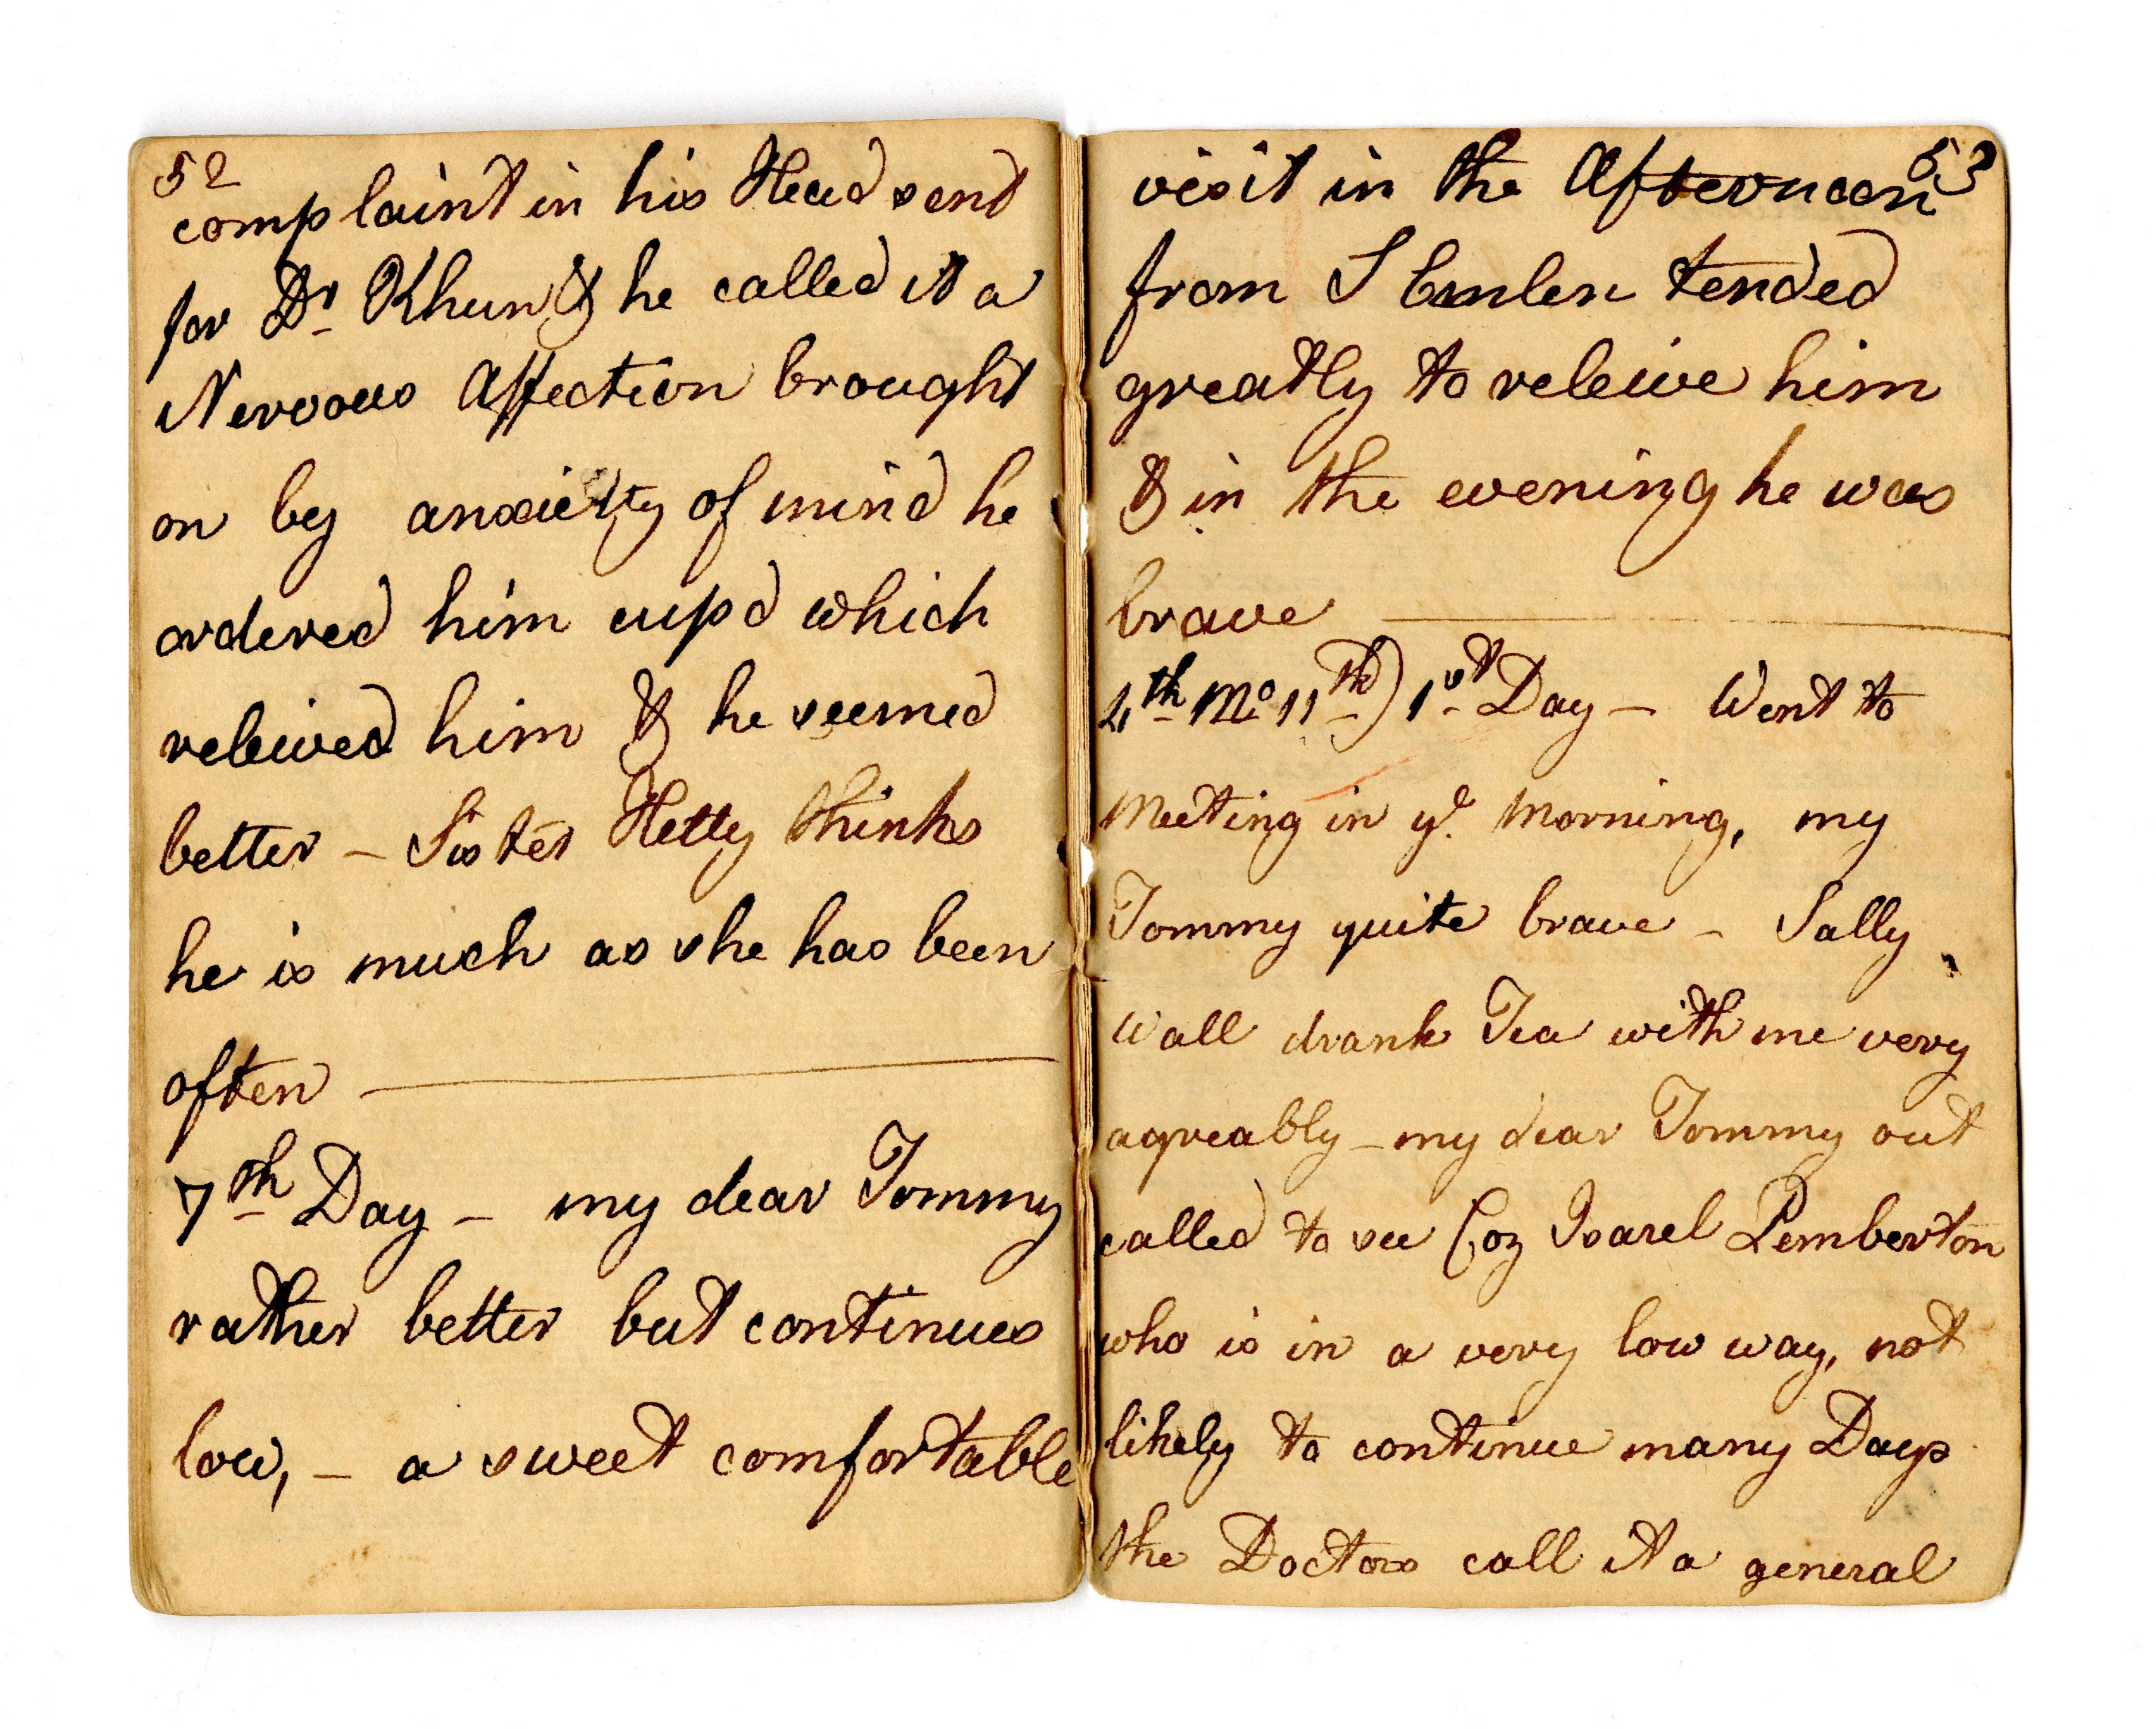52
complaint in his Head sent
for D^r Khun & he called it a
Nervous Affection brought
on by anxietty of mind he
ordered him cupd which
releived him & he seemed
better- Sister Hetty thinks
he is much as she has been
often-
7^th Day- my dear Tommy
rather better but continues
low,- a sweet comfortable
53
visit in the Afternoon
from S Emlen tended
greatly to releive him
& in the evening he was
brave-
4^th M^o 11^th) 1^st Day- Went to
Meeting in y^e Morning, my
Tommy quite brave- Sally
Wall drank Tea with me very
agreably- my dear Tommy out
called to see Coz Isarel Pemberton
who is in a very low way, not
likely to continue many Days
the Doctors call it a general